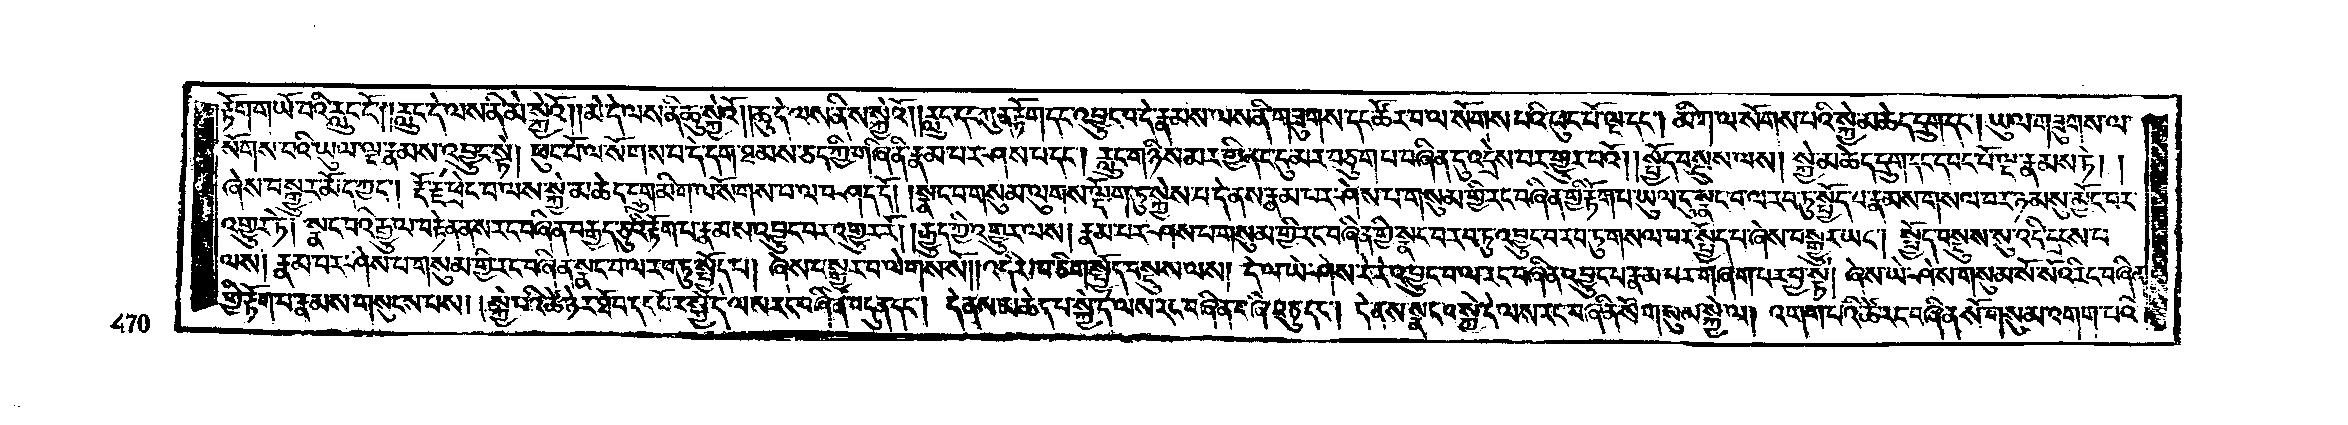རྟོག་གཡོ་བའི་རླུང་ངོ། །རླུང་དེ་ལས་ནི་མེ་སྐྱེའོ། །མེ་དེ་ལས་ནི་ཆུ་སྐྱེའོ། །ཆུ་དེ་ལས་ནི་ས་སྐྱེའོ། །རླུང་དང་ཀུན་རྟོག་དང་འབྱུང་བ་དེ་རྣམས་ལས་ནི་གཟུགས་དང་ཚོར་བ་ལ་སོགས་པའི་ཕུང་པོ་ལྔ་དང་། མིག་ལ་སོགས་པའི་སྐྱེ་མཆེད་དྲུག་དང་། ཡུལ་གཟུགས་ལ་
སོགས་པའི་ཡུལ་ལྔ་རྣམས་འབྱུང་སྟེ། ཕུང་པོ་ལ་སོགས་པ་དེ་དག་ཐམས་ཅད་ཀྱི་གཞི་ནི་རྣམ་པར་ཤེས་པ་དང་། རླུང་གཉིས་མར་གྱི་ནང་དུ་མར་བཅུག་པ་བཞིན་དུ་འདྲེས་པར་གྱུར་པའོ། །སྤྱོད་བསྡུས་ལས། སྐྱེ་མཆེད་དྲུག་དང་དབང་པོ་ལྔ་རྣམས་ཏེ། །
ཞེས་བསྒྱུར་མོད་ཀྱང་། རྡོ་རྗེ་ཕྲེང་བ་ལས་སྐྱེ་མཆེད་དྲུག་མིག་ལ་སོགས་པ་ལ་བཤད་དོ། །སྣང་བ་གསུམ་ལུགས་ལྡོག་ཏུ་སྐྱེས་པ་དེ་ནས་རྣམ་པར་ཤེས་པ་གསུམ་གྱི་རང་བཞིན་གྱི་རྟོག་པ་ཡུལ་དུ་སྣང་བ་ལ་རབ་ཏུ་སྤྱོད་པ་རྣམས་གསལ་བར་ཉམས་སུ་མྱོང་བར་
འགྱུར་ཏེ། སྣང་བའི་རྒྱུ་ལ་བརྟེན་ནས་རང་བཞིན་བརྒྱད་ཅུའི་རྟོག་པ་རྣམས་འབྱུང་བར་འགྱུར་རོ། །རྒྱུད་ཀྱི་འགྱུར་ལས། རྣམ་པར་ཤེས་པ་གསུམ་གྱི་རང་བཞིན་གྱི་སྣང་བ་རབ་ཏུ་འབྱུང་བ་རབ་ཏུ་གསལ་བར་སྤྱོད་པ་ཞེས་བསྒྱུར་ཡང་། སྤྱོད་བསྡུས་སུ་འདི་དྲངས་པ་
ལས། རྣམ་པར་ཤེས་པ་གསུམ་གྱི་རང་བཞིན་སྣང་བ་ལ་རབ་ཏུ་སྤྱོད་པ། ཞེས་བསྒྱུར་བ་ལེགས་སོ། །འདིར་ཁ་ཅིག་སྤྱོད་བསྡུས་ལས། དེ་ལ་ཡེ་ཤེས་རེ་རེ་འབྱུང་བ་ལ་རང་བཞིན་འབྱུང་བ་རྣམ་པར་བཞག་པར་བྱ་སྟེ། ཞེས་ཡེ་ཤེས་གསུམ་སོ་སོའི་རང་བཞིན་
གྱི་རྟོག་པ་རྣམས་གསུངས་པས། སྐྱེ་བའི་ཚེ་ཉེར་ཐོབ་དང་པོར་སྐྱེ་དེ་ལས་རང་བཞིན་བདུན་དང་། དེ་ནས་མཆེད་པ་སྐྱེ་དེ་ལས་རང་བཞིན་བཞི་བཅུ་དང་། དེ་ནས་སྣང་བ་སྐྱེ་དེ་ལས་རང་བཞིན་སོ་གསུམ་སྐྱེ་ལ། འགག་པའི་ཚེ་རང་བཞིན་སོ་གསུམ་འགག་པའི་